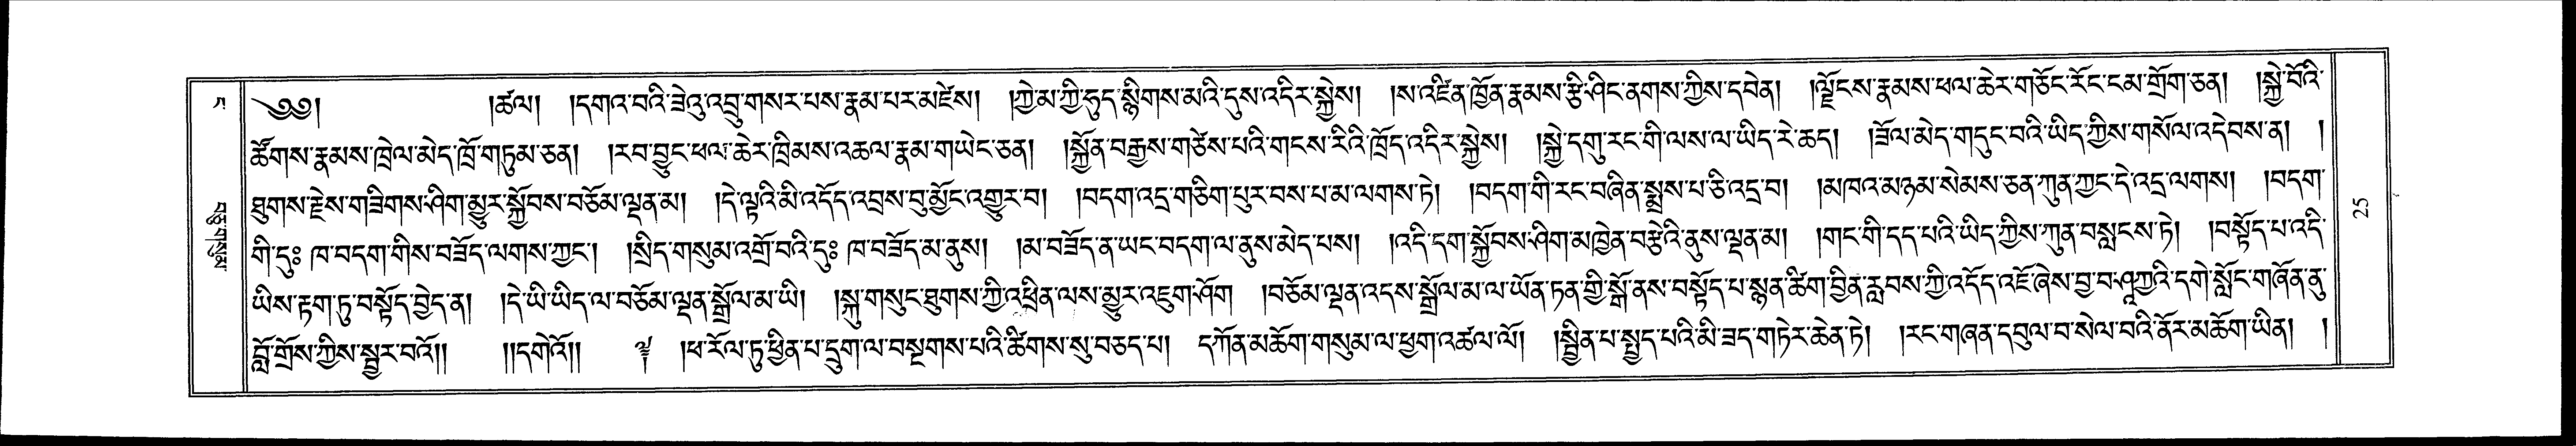༄༅། །ཚལ། །དགའ་བའི་ཟེའུ་འབྲུ་གསར་པས་རྣམ་པར་མཛེས། །ཀྱེ་མ་ཀྱི་ཧུད་སྙིགས་མའི་དུས་འདིར་སྐྱེས། །ས་འཛིན་ཁྱོན་རྣམས་རྩི་ཤིང་ནགས་ཀྱིས་དབེན། །ལྗོངས་རྣམས་ཕལ་ཆེར་གཅོང་རོང་ངམ་གྲོག་ཅན། །སྐྱེ་བོའི་
ཚོགས་རྣམས་ཁྲེལ་མེད་ཁྲོ་གཏུམ་ཅན། །རབ་བྱུང་ཕལ་ཆེར་ཁྲིམས་འཆལ་རྣམ་གཡེང་ཅན། །སྐྱོན་བརྒྱས་གཙེས་པའི་གངས་རིའི་ཁྲོད་འདིར་སྐྱེས། །སྐྱེ་དགུ་རང་གི་ལས་ལ་ཡིད་རེ་ཆད། །ཟོལ་མེད་གདུང་བའི་ཡིད་ཀྱིས་གསོལ་འདེབས་ན། །
ཐུགས་རྗེས་གཟིགས་ཤིག་མྱུར་སྐྱོབས་བཅོམ་ལྡན་མ། །དེ་ལྟའི་མི་འདོད་འབྲས་བུ་མྱོང་འགྱུར་བ། །བདག་འདྲ་གཅིག་པུར་བས་པ་མ་ལགས་ཏེ། །བདག་གི་རང་བཞིན་སྨྲས་པ་ཅི་འདྲ་བ། །མཁའ་མཉམ་སེམས་ཅན་ཀུན་ཀྱང་དེ་འདྲ་ལགས། །བདག་
གི་དུཿ ཁ་བདག་གིས་བཟོད་ལགས་ཀྱང་། །སྲིད་གསུམ་འགྲོ་བའི་དུཿ ཁ་བཟོད་མ་ནུས། །མ་བཟོད་ན་ཡང་བདག་ལ་ནུས་མེད་པས། །འདི་དག་སྐྱོབས་ཤིག་མཁྱེན་བརྩེའི་ནུས་ལྡན་མ། །གང་གི་དད་པའི་ཡིད་ཀྱིས་ཀུན་བསླངས་ཏེ། །བསྟོད་པ་འདི་
ཡིས་རྟག་ཏུ་བསྟོད་བྱེད་ན། །དེ་ཡི་ཡིད་ལ་བཅོམ་ལྡན་སྒྲོལ་མ་ཡི། །སྐུ་གསུང་ཐུགས་ཀྱི་འཕྲིན་ལས་མྱུར་འཇུག་ཤོག །བཅོམ་ལྡན་འདས་སྒྲོལ་མ་ལ་ཡོན་ཏན་གྱི་སྒོ་ནས་བསྟོད་པ་སྙན་ཚིག་བྱིན་རླབས་ཀྱི་འདོད་འཇོ་ཞེས་བྱ་བ་ཤཱཀྱའི་དགེ་སློང་གཞོན་ནུ་
བློ་གྲོས་ཀྱིས་སྦྱར་བའོ།། །།དགེའོ།། ༈ །ཕ་རོལ་ཏུ་ཕྱིན་པ་དྲུག་ལ་བསྔགས་པའི་ཚིགས་སུ་བཅད་པ། དཀོན་མཆོག་གསུམ་ལ་ཕྱག་འཚལ་ལོ། །སྦྱིན་པ་སྤྱད་པའི་མི་ཟད་གཏེར་ཆེན་ཏེ། །རང་གཞན་དབུལ་བ་སེལ་བའི་ནོར་མཆོག་ཡིན། །